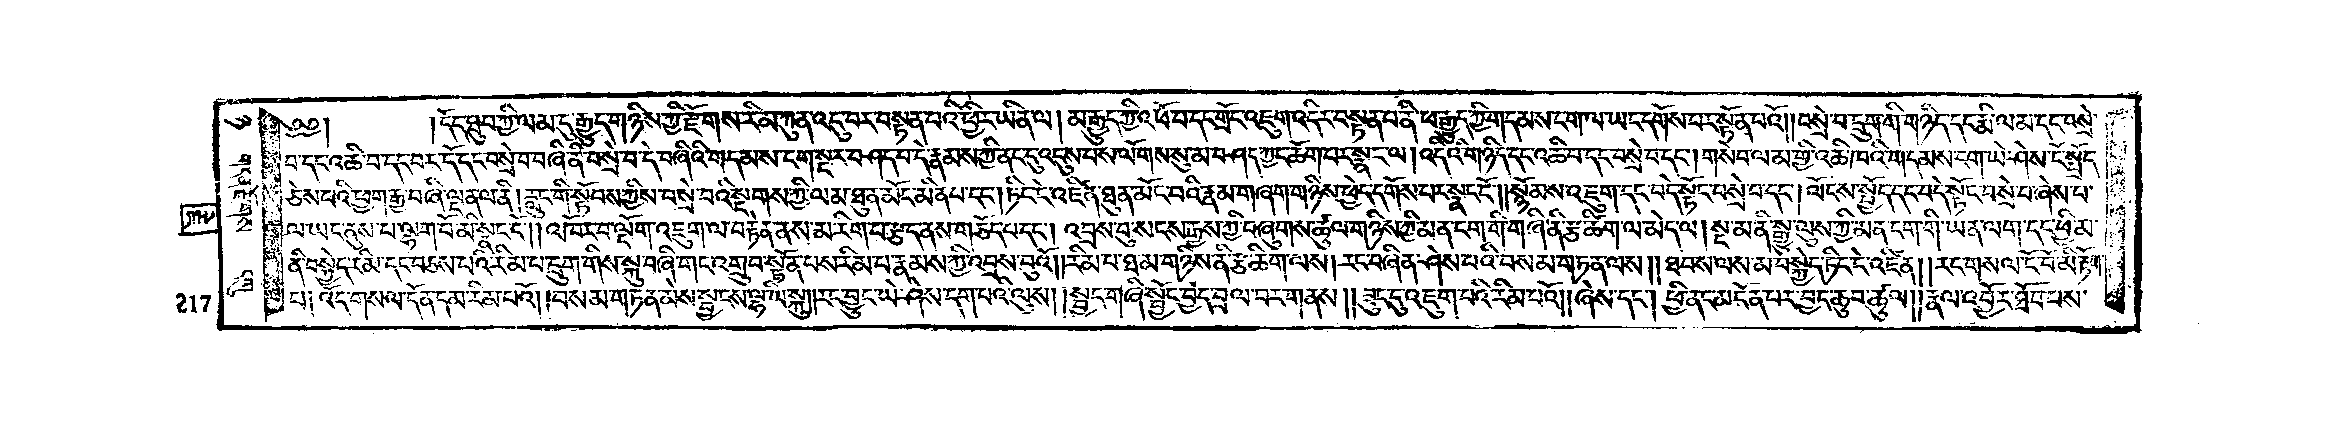༄༅། །དོད་ཐུབ་ཀྱི་ལམ་དུ་རྒྱུད་གཉིས་ཀྱི་རྫོགས་རིམ་ཀུན་འདུ་བར་བསྟན་པའི་ཕྱིར་ཡིན་ལ། མ་རྒྱུད་ཀྱི་འཕོ་བ་དང་གྲོང་འཇུག་འདིར་བསྟན་པ་ནི་ཕ་རྒྱུད་ཀྱི་གདམས་ངག་ལ་ཡང་དགོས་པར་སྟོན་པའོ། །བསྲེ་བ་དྲུག་གི་གཉིད་དང་རྨི་ལམ་དང་བསྲེ་
བ་དང་འཆི་བ་དང་བར་དོ་དང་བསྲེ་བ་བཞི་ནི་བསྲེ་བ་དེ་བཞིའི་གདམས་ངག་སྔར་བཤད་པ་དེ་རྣམས་ཀྱི་ནང་དུ་འདུས་པས་ལོགས་སུ་མ་བཤད་ཀྱང་ཆོག་པར་སྣང་ལ། འདིའི་གཉིད་དང་འཆི་བ་དང་བསྲེ་བ་དང་། གསེབ་ལམ་གྱི་འཆི་ཁའི་གདམས་ངག་ཡེ་ཤེས་ངོ་སྤྲོད་
ཅེས་པའི་ཕྱག་རྒྱ་བཞི་ལྡན་ལ་ནི། རླུང་གི་སྟོབས་ཀྱིས་བསྲེ་བའི་སྔགས་ཀྱི་ལམ་ཐུན་མོང་མིན་པ་དང་། ཏིང་ངེ་འཛིན་ཐུན་མོང་བའི་རྣམ་གཞག་གཉིས་ཕྱེད་དགོས་པར་སྣང་ངོ། །སྙོམས་འཇུག་དང་བདེ་སྟོང་བསྲེ་བ་དང་། ལོངས་སྤྱོད་དང་བདེ་སྟོང་བསྲེ་བ་ཞེས་པ་
ལ་ཡང་ནུས་པ་ལྷག་པོ་མི་སྣང་ངོ། །འཁོར་བ་ལྡོག་འཇུག་ལ་བརྟེན་ནས་མ་རིག་པ་རྩད་ནས་གཅོད་པ་དང་། འབྲས་བུ་སངས་རྒྱས་ཀྱི་བཞུགས་ཚུལ་གཉིས་ཀྱི་མན་ངག་གི་གཞི་ནི་རྩ་ཚིག་ལ་མེད་ལ། སྔ་མ་ནི་སྒྱུ་ལུས་ཀྱི་མན་ངག་གི་ཡན་ལག་དང་ཕྱི་མ་
ནི་བསྐྱེད་རིམ་དང་བཅས་པའི་རིམ་པ་དྲུག་གིས་སྐུ་བཞི་གང་འགྲུབ་སྟོན་པས་རིམ་པ་རྣམས་ཀྱི་འབྲས་བུའོ། །རིམ་པ་ཐ་མ་གཉིས་ནི་རྩ་ཚིག་ལས། རང་བཞིན་ཤེས་པའི་བསམ་གཏན་ལས། །ཐབས་ལས་མ་བསྐྱེད་ཏིང་ངེ་འཛིན། །རང་གསལ་ངོ་བོ་མི་རྟོག་
པ། འོད་གསལ་དོན་དམ་རིམ་པའོ། །བསམ་གཏན་མེས་སྦྱངས་ལྷ་ཡི་སྐུ། །རང་བྱུང་ཡེ་ཤེས་དག་པའི་ལུས། །སྦྱང་གཞི་སྤྱོད་བྱེད་བྲལ་བར་གནས། །ཟུང་དུ་འཇུག་པའི་རིམ་པའོ། །ཞེས་དང་། ཕྱི་ནང་མངོན་པར་བྱང་ཆུབ་ཚུལ། །རྣལ་འབྱོར་ཐོབ་པས་